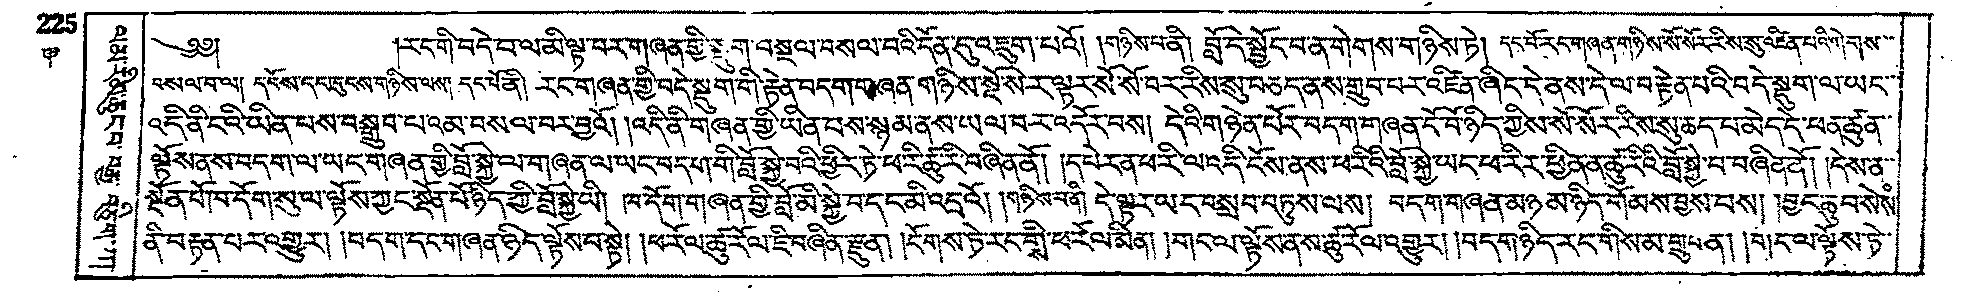༄༅། །རང་གི་བདེ་བ་ལ་མི་ལྟ་བར་གཞན་གྱི་སྡུག་བསྔལ་བསལ་བའི་དོན་དུ་འཇུག་པའོ། །གཉིས་པ་ནི།  བློ་དེ་སྦྱོང་བ་ན་གེགས་གཉིས་ཏེ། དང་པོ་རང་གཞན་གཉིས་སོ་སོར་རིས་སུ་འཛིན་པའི་གེགས་
བསལ་བ་ལ། དངོས་དང་ཁུངས་གཉིས་ལས། དང་པོ་ནི། རང་གཞན་གྱི་བདེ་སྡུག་གི་རྟེན་བདག་གཞན་གཉིས་སྔོ་སེར་ལྟར་སོ་སོ་བར་རིས་སུ་བཅད་ནས་གྲུབ་པར་འཛིན་ཞིང་དེ་ནས་དེ་ལ་བརྟེན་པའི་བདེ་སྡུག་ལ་ཡང་
འདི་ནི་ངའི་ཡིན་པས་བསྒྲུབ་པ་འམ་བསལ་བར་བྱའོ། །འདི་ནི་གཞན་གྱི་ཡིན་པས་སྙམ་ནས་ཡལ་བར་འདོར་བས། དེའི་གཉེན་པོར་བདག་གཞན་ངོ་བོ་ཉིད་ཀྱིས་སོ་སོར་རིས་སུ་ཆད་པ་མེད་དེ་ཕན་ཚུན་
ལྟོས་ནས་བདག་ལ་ཡང་གཞན་གྱི་བློ་སྐྱེ་ལ་གཞན་ལ་ཡང་བདག་གི་བློ་སྐྱེ་བའི་ཕྱིར་ཏེ་ཕ་རི་ཚུ་རི་བཞིན་ནོ། །དཔེར་ན་ཕ་རི་ལ་འདི་ངོས་ནས་ཕ་རིའི་བློ་སྐྱེ་ཡང་ཕ་རིར་ཕྱིན་ན་ཚུ་རུའི་བློ་སྐྱེ་བ་བཞིན་ནོ། །དེས་ན་
སྔོན་པོ་ཁ་དོག་སུ་ལ་ལྟོས་ཀྱང་སྔོན་པོ་ཉིད་ཀྱི་བློ་སྐྱེ་ཡི། ཁ་དོག་གཞན་གྱི་བློ་མི་སྐྱེ་བ་དང་མི་འདྲའོ། །གཉིས་པ་ནི།  དེ་ལྟར་ཡང་བསླབ་བཏུས་ལས། བདག་གཞན་མཉམ་ཉིད་གོམས་བྱས་པས། །བྱང་ཆུབ་སེཾས་
ནི་བརྟན་པར་འགྱུར། །བདག་དང་གཞན་ཉིད་ལྟོས་པ་སྟེ། །ཕ་རོལ་ཚུ་རོལ་ཇི་བཞིན་རྫུན། །ངོགས་ཏེ་རང་གིས་ཕ་རོལ་མིན། །གང་ལ་ལྟོས་ནས་ཚུ་རོལ་འགྱུར། །བདག་ཉིད་རང་གིས་མ་གྲུབ་ན། །གང་ལ་ལྟོས་ཏེ་